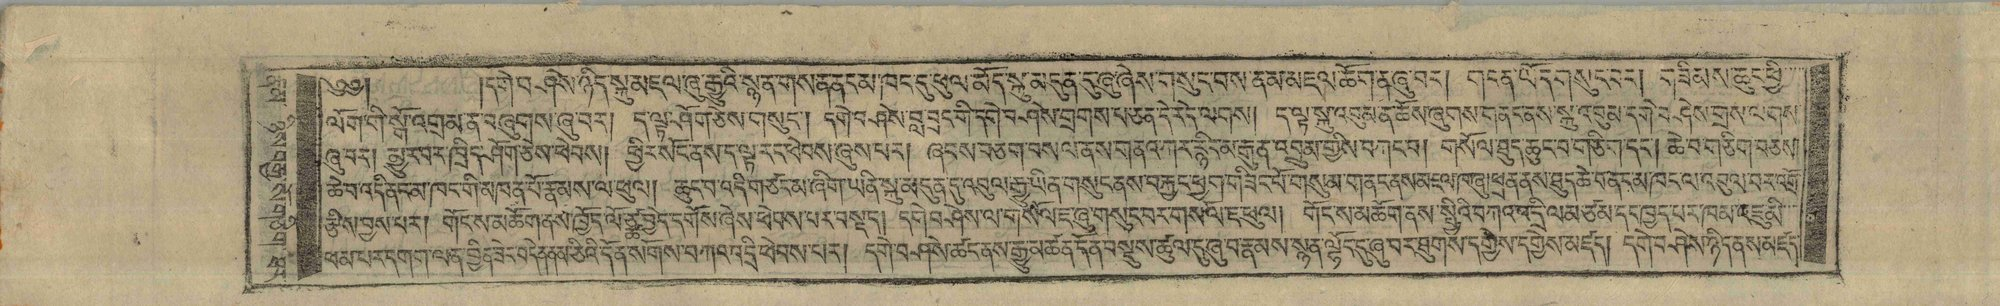༄༅། །དགེ་བཤེས་ཉིད་སྐུ་མཇལ་ཞུ་རྒྱུའི་སྙན་གསན་ནང་མ་ཁང་དུ་ཕུལ་མོད་སྐུ་མདུན་དུ་ཞུ་ཞེས་གསུང་བས་ནམ་མཇལ་ཆོག་ན་ཞུ་བར། གང་ན་ཡོད་གསུང་བར། གཟིམས་ཆུང་ཕྱི་
ལོག་གི་སྒོ་འགྲམ་ན་བཞུགས་ཞུ་བར། ད་ལྟ་ཤོག་ཅེས་གསུང་། དགེ་བཤེས་བླ་བྲང་གི་དགེ་བཤེས་གྲགས་པ་ཅན་དེ་རེད་ལགས། ད་ལྟ་སྐུ་འབུམ་ན་ཆོས་ཞུགས་གནང་ནས་སྐུ་འབུམ་དགེ་བཤེས་གྲས་ལགས་
ཞུ་བར། མྱུར་བར་ཁྲིད་ཤོག་ཅེས་ཕེབས། ཕྱིར་སོང་ནས་ད་ལྟ་རང་ཕེབས་ཞུས་པར། ཞབས་བཅག་བསལ་ནས་གནའ་ཀར་རྙིང་མ་རྒུན་འབྲུམ་གྱིས་བཀང་བ། གསོལ་ཐུད་ཆུང་བ་གཅིག་དང་། ཆེ་བ་གཅིག་བཅས།
ཆེ་བ་འདི་ནང་མ་ཁང་གི་མཁན་པོ་རྣམས་ལ་ཕུལ། ཆུང་བ་འདི་གཙང་མ་ཞིག་ཡིན་སྐུ་མདུན་དུ་འབུལ་རྒྱུ་ཡིན་གསུང་ནས་བརྐྱང་ཕྱག་གཟིང་པོ་གསུམ་གནང་ནས་མཇལ་ཁ་ཞུ། ཕྲན་ནས་ཐུད་ཆེ་བ་ནང་མ་ཁང་ལ་འབུལ་བར་འགྲོ་
རྩིས་བྱས་པར། གོང་ས་མཆོག་ནས་ཁྱོད་ལོ་ཙྪ་བྱེད་དགོས་ཞེས་ཕེབས་པར་བསྡད། དགེ་བཤེས་ལ་གསོལ་ཇ་ཞུ་གསུང་བར་གསོལ་ཇ་ཕུལ། གོང་ས་མཆོག་ནས་སྤྱིའི་བཀའ་འདྲི་ལམ་ཙམ་དང་ཁྱད་པར་ཁམ་འཇུ་མི་
ཕམ་པར་དགག་ལན་བྱིན་ཟེར་བདེན་ནམ་ཅིའི་དོན་སོགས་བཀའ་འདྲི་ཕེབས་པར། དགེ་བཤེས་ཚང་ནས་རྒྱུ་མཚན་དོན་བསྡུས་ཚུལ་དུ་ཞུ་བ་རྣམས་སྙན་ལྷོད་དུ་ཞུ་བར་ཐུགས་དགྱེས་དགྱེས་མཛད། དགེ་བཤེས་ཉིད་ནས་མཛད་